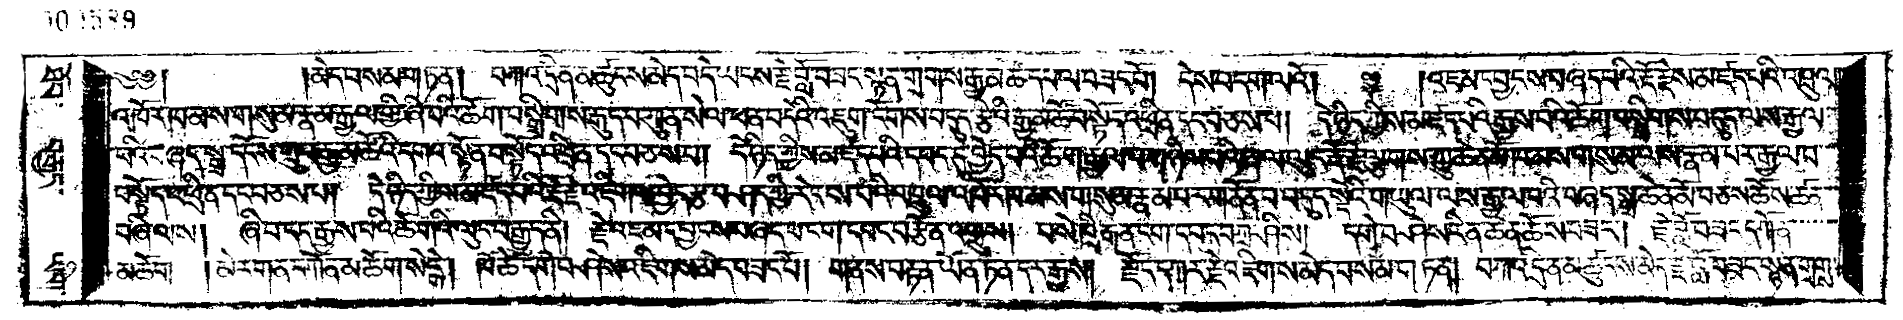༄༅། །མེད་བསམ་གཏན། བཀའ་དྲིན་མཚུངས་མེད་བདེ་ཡངས་རྗེ་བློ་བཟང་སྙན་གྲགས་རྒྱ་མཚོ་དཔལ་བཟང་པོ། དེས་བདག་ལའོ། ༈ །འཇམ་དབྱངས་བཞད་པའི་རྡོ་རྗེས་མཛད་པའི་འཁྲུལ་
འཁོར་ཁམས་གསུམ་རྣམ་རྒྱལ་གྱི་ཞི་བའི་ཆོག་བསྒྲིགས་རྒུད་པ་ཀུན་སེལ་ཕན་བདེའི་འཇུག་ངོགས་བདུད་རྩིའི་རྒྱ་མཚོ་བསྟོད་འཕྲིན་དང་བཅས་པ། དེ་ཉིད་ཀྱིས་མཛད་པའི་རྒྱས་བའི་ཆོག་བསྒྲིགས་བདུད་ལས་རྒྱལ་
བའི་བཞད་སྒྲ་དངོས་གྲུབ་རྒྱ་མཚོའི་དགའ་སྟོན་བསྟོད་འཕྲིན་དང་བཅས་པ། དེ་ཉིད་ཀྱིས་མཛད་པའི་དབང་དུ་བྱེད་པའི་ཆོ་ག་རྒྱལ་བ་གཉིས་པའི་ཞལ་ལུང་རྡོ་རྗེ་ལྕགས་ཀྱུ་ཆེན་མོ་ཁམས་གསུམ་ལས་རྣམ་པར་རྒྱལ་བ་
བསྟོད་འཕྲིན་དང་བཅས་པ། དེ་ཉིད་ཀྱིས་མཛད་པའི་རྡོ་རྗེ་འཇིགས་བྱེད་རྩ་བཤད་ཀྱི་རེངས་པའི་འཁྲུལ་འཁོར་ཁམས་གསུམ་རྣམ་པར་གནོན་བ་བདུད་སྡེའི་གཡུལ་ལས་རྒྱལ་བའི་བཞད་སྒྲ་ཆེན་མོ་བཅས་ཆོས་ཚན་
བཞི་ལས། ཞི་བ་དང་རྒྱས་པའི་ཆོ་གའི་ལུང་བརྒྱུད་ནི། རྗེ་འཇམ་དབྱངས་བཞད་པ་ངག་དབང་བརྩོན་འགྲུས། བསེ་ཁྲི་རྒན་ངག་དབང་བཀྲ་ཤིས། དགེ་བཤེས་རིན་ཆེན་ཆོས་བཟང་། རྗེ་བློ་བཟང་དཀོན་
མཆོག །མེར་གན་དཀོན་མཆོག་སེངྒེ། ཁོ་ཆེ་དགེ་བཤེས་འཇིགས་མེད་བཟང་པོ། གནས་བརྟན་ཡོན་ཏན་དར་རྒྱས། རྫོང་དཀར་རྗེ་འཇིགས་མེད་བསམ་གཏན། བཀའ་དྲིན་མཚུངས་མེད་རྗེ་བློ་བཟང་སྙན་གྲགས་